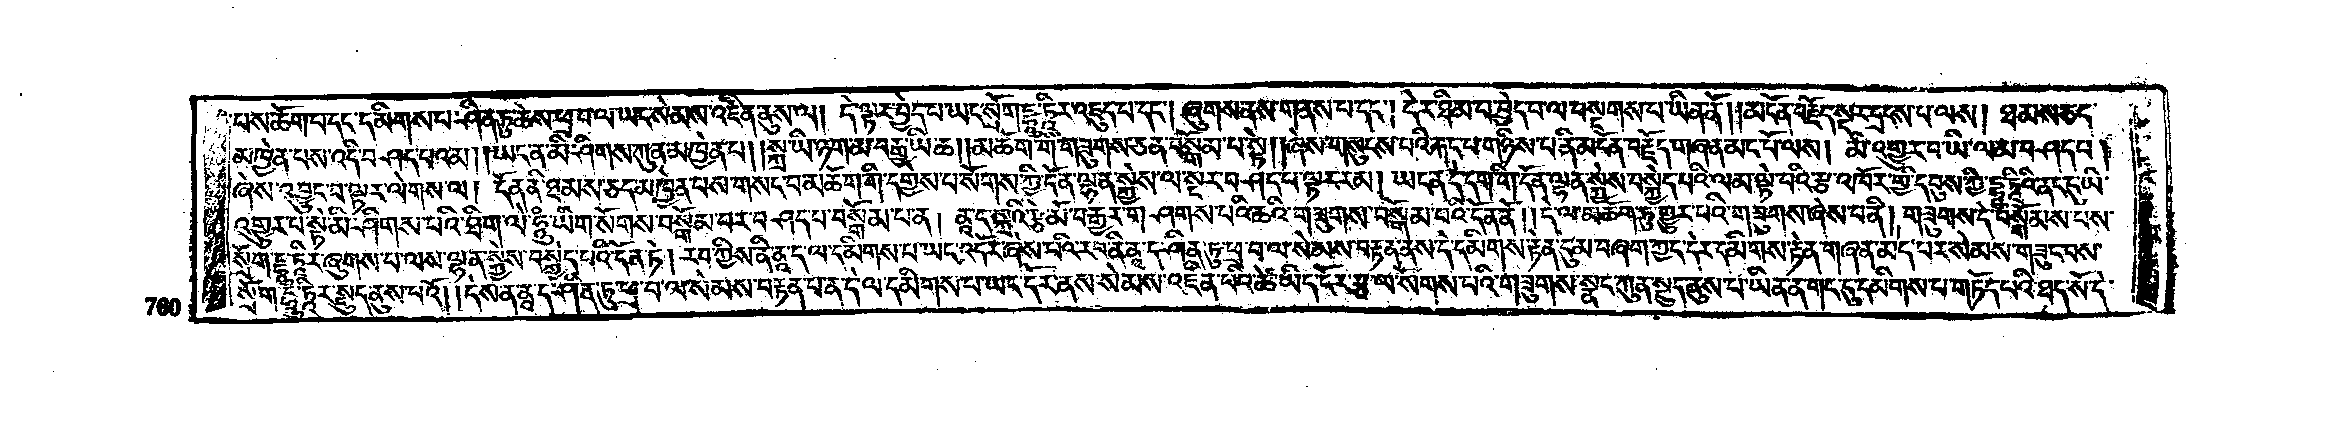པས་ཆོག་པ་དང་དམིགས་པ་ཤིན་ཏུ་ཆེས་ཕྲ་བ་ལ་ཡང་སེམས་འཛིན་ནུས་ལ། དེ་ལྟར་བྱེད་པ་ཡང་སྲོག་དྷཱུ་ཏཱིར་འཛུད་པ་དང་། ཞུགས་ནས་གནས་པ་དང་། དེར་ཐིམ་པ་བྱེད་པ་ལ་བསྔགས་པ་ཡིན་ནོ། །མངོན་བརྗོད་སྔར་དྲངས་པ་ལས། ཐམས་ཅད་
མཁྱེན་པས་འདི་བཤད་པའམ། །ཡང་ན་མི་ཤིགས་ཀུན་མཁྱེན་པ། །སྐྲ་ཡི་ཉག་མ་བརྒྱ་ཡི་ཆ། །མཆོག་གི་གཟུགས་ཅན་བསྒོམ་པ་སྟེ། །ཞེས་གསུངས་པའི་རྐང་པ་གཉིས་པ་ནི་མངོན་བརྗོད་གཞན་མང་པོ་ལས། མི་འགྱུར་བ་ཡི་ལམ་བཤད་པ།
ཞེས་འབྱུང་བ་ལྟར་ལེགས་ལ། དོན་ནི་ཐམས་ཅད་མཁྱེན་པས་གསང་བ་མཆོག་གི་དགྱེས་པ་སོགས་ཀྱི་དོན་ལྷན་སྐྱེས་ལ་སྔར་བཤད་པ་ལྟར་རམ། ཡང་ན་དེ་དག་གི་དོན་ལྷན་སྐྱེས་བསྐྱེད་པའི་ལམ་ལྟེ་བའི་རྩ་འཁོར་གྱི་དབུས་ཀྱི་དྷཱུ་ཏཱིའི་ནང་དུ་ཡི་
འགྱུར་པ་སྟེ་མི་ཤིགས་པའི་ཐིག་ལེ་ཧཱུཾ་ཡིག་སོགས་བསྒོམ་པར་བཤད་པ་བསྒོམ་པ་ན། ནཱ་ད་སྐྲའི་རྩེ་མོ་བརྒྱར་གཤགས་པའི་ཆའི་གཟུགས་བསྒོམ་པའི་དོན་ནོ། །དེ་ལ་མཆོག་ཏུ་གྱུར་པའི་གཟུགས་ཞེས་པ་ནི། གཟུགས་དེ་བསྒོམས་པས་
སྲོག་དྷཱུ་ཏཱིར་ཞུགས་པ་ལས་ལྷན་སྐྱེས་བསྐྱེད་པའི་དོན་ཏེ། རབ་ཀྱིས་ནི་ནཱ་ད་ལ་དམིགས་པ་ཡང་འདོར་ཞེས་པའི་རབ་ནི་ནཱ་ད་ཤིན་ཏུ་ཕྲ་བ་ལ་སེམས་བརྟན་ནས་དེ་དམིགས་རྟེན་དུ་མ་བཞག་ཀྱང་དེར་དམིགས་རྟེན་གཞན་མེད་པར་སེམས་གཟུང་བས་
སྲོག་དྷཱུ་ཏཱིར་སྡུད་ནུས་པའོ། །དེས་ན་ནཱ་ད་ཤིན་ཏུ་ཕྲ་བ་ལ་སེམས་བརྟན་པ་ན་དེ་ལ་དམིགས་པ་ཡང་དོར་ནས་སེམས་འཛིན་པའི་ཚེ་ཡིད་ངོར་རྩ་ལ་སོགས་པའི་གཟུགས་སྣང་ཀུན་སྡུད་ནུས་པ་ཡིན་ན་གང་དུ་དམིགས་པ་གཏོད་པའི་ཐད་སོ་དེ་